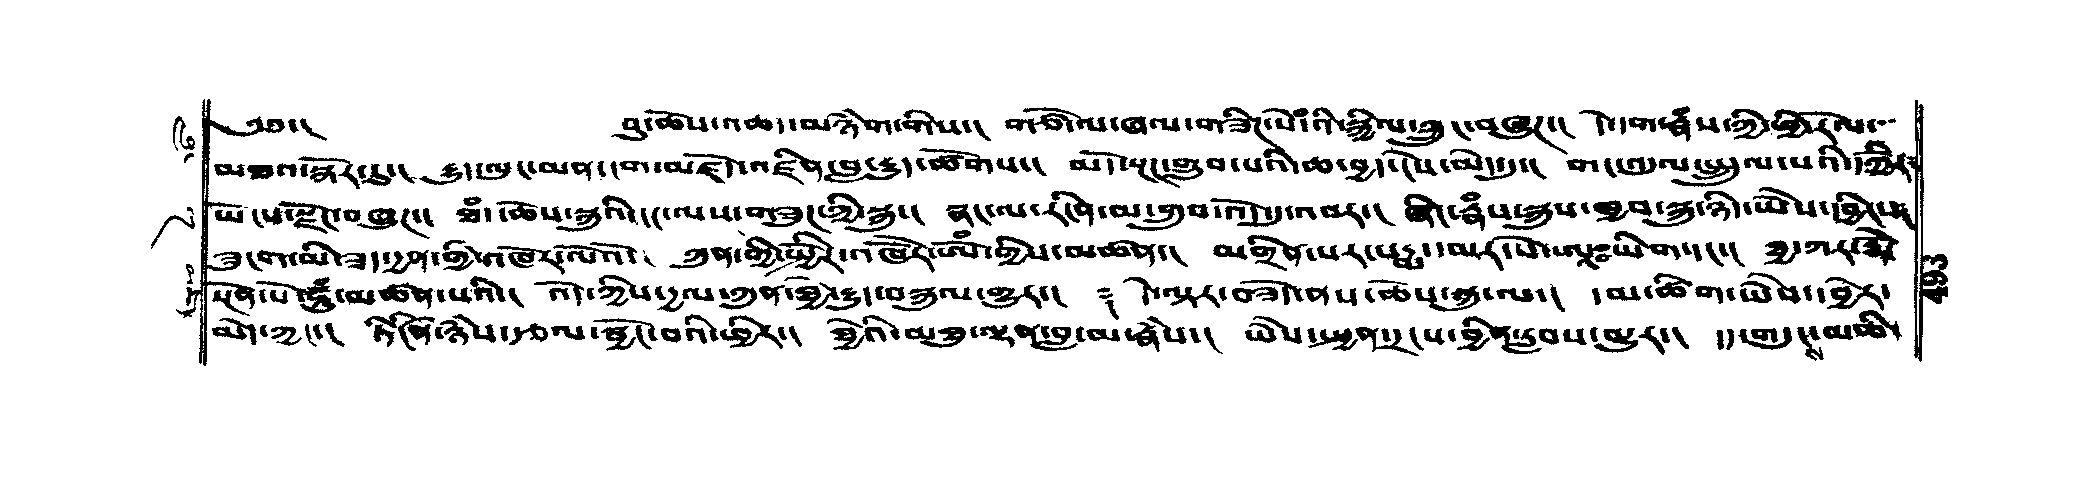བུ་ཆོས་འཆད་མཉམ་གཞག་གིས། །གཙོ་ལ་ཞལ་གཟིགས་སེམས་དཔའི་སྐྱིལ་ཀྲུང་བཞུགས། །དེ་དག་རྣམས་ཀྱི་ཕྱི་རོལ་
མཐའ་སྐོར་དུ། །རྒྱུད་ལུང་མན་ངག་མཛོད་འཛིན་བུ་རྒྱུད་ཚོགས། །མདོ་སྔགས་གྲུབ་པའི་ཆ་བྱད་ངེས་མེད་དུ། །གང་འདུལ་སྤྲུལ་པའི་དཀྱིལ་འཁོར་
ཡོངས་རྫོགས་བཞུགས། །ཐམས་ཅད་ཆོས་སྐུའི་ངང་ལས་གཟུགས་ཀྱི་སྐུ། །སྣང་ལ་རང་བཞིན་མ་གྲུབ་འོད་དུ་འབར། །ཞིང་ཁམས་སྐུས་ཁྱབ་སྐུ་ཉིད་ཡེ་ཤེས་དབྱིངས། །
ཟུང་འཇུག་མི་ཟད་རྒྱན་གྱི་འཁོར་ལོའོ། །ཀུན་གྱི་སྤྱི་བོར་འཁོར་ལོ་ཨོྂ་གྱིས་མཚན། །མགྲིན་པར་པདྨ་དམར་པོ་ཨཱཿཡིག་དང་། །ཐུགས་ཀར་རྡོ་རྗེ་
སྔོན་པོ་ཧཱུྂ་མཚན་པའི། །འོད་ཀྱིས་རྒྱལ་ཀུན་ཐུགས་རྗེ་རྒྱུད་བསྐུལ་གྱུར། ། ༈ དེ་ལྟར་བཟོད་ནས་ཆོས་སྐུ་ལ། ། དམ་ཚིག་ཡེ་ཤེས་དབྱེར་
མེད་ཀྱང་། །ཏིང་འཛིན་ཉམས་རྩལ་སྦྱོང་བའི་ཕྱིར། །ཐུགས་རྗེའི་མཐུ་ལྡན་བླ་མ་རྣམས། །ཡེ་ཤེས་སྤྱན་དྲངས་བྱིན་རླབས་མྱུར། །དད་གདུང་མཆི་